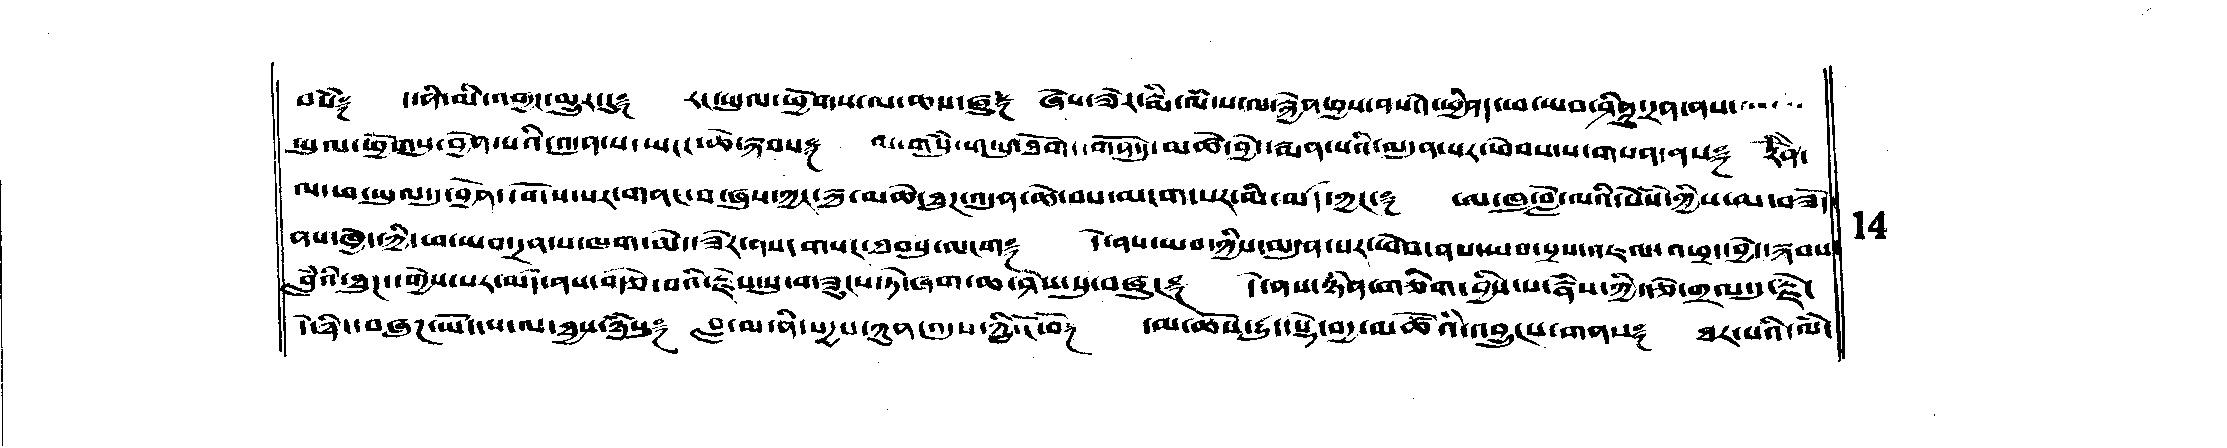བསམ། །ད་ནི་མི་འགྱང་མྱུར་དུ། །རང་ཡུལ་ཕྱོགས་ལ་ཆས་ཞུ། །ཞེས་ཟེར་རྨི་ལམ་སད་ལ་རྐྱེན་བྱས་ནས་དེ་ཕྱིན་ཆད་ཕ་ཡབ་ཤིན་ཏུ་དྲན་ནས་
ཡུལ་ཕྱོགས་སུ་བྱོན་པའི་འདུན་པ་ཡང་ཡང་ཆེ་སྐབས།ལོ་གསུམ་གཡུ་ཐོག་དགོན་དུ་མཚོ་བྱེད་སྨན་པའི་མདུན་སར་ཕེབས་པ་གསན་ནས། རིན་པོ་ཆེ་
ལ་ཕ་ཡུལ་དུ་བྱོན་དགོས་པར་གནང་བ་ཞུས་ཀྱང་སྐུ་མཆེད་ཐུགས་འདུན་ཆེ་བས་མངག་པར་མི་མཛད་ཀྱང་། ཨ་ཁུ་བློ་ལིའི་སེམས་ཀྱིས་མ་བཟོད་
ནས་ཁྱེད་ཀྱི་ཕ་ཡབ་དྲན་པ་ཁག་མེད་ཟེར་ནས་གསང་ཐབས་སུ་མངག དེ་ནས་ཡབ་ཀྱིས་མདུན་སར་ཕེབ་ནས་ཡབ་སྲས་མཇལ་འཕྲད་བྱེད་སྐབས་
བླ་མའི་ཐུགས་དགྱེས་པར་མཛད་ནས་བརྩེ་བའི་རྗེས་སུ་བཟུང་སྟེ་ཞག་ཆ་ཤས་སུ་བཞུགས། དེ་ནས་ཉིན་གཅིག་བྱིས་པ་རྣམས་ཀྱི་རྩེ་གྲལ་དུ་རྗེ་
དེ་ཉིད་བཞུགས་ཡོད་པ་ལ་ཐུགས་ཉམས་སུ། བླ་མ་ནི་སངས་རྒྱས་ཀུན་འདུས་ཀྱི་ངོ་བོ། དམ་ཆོས་རྒྱུད་སྡེ་རྒྱ་མཚོའི་འབྱུང་གནས། ཐར་པའི་ལམ་